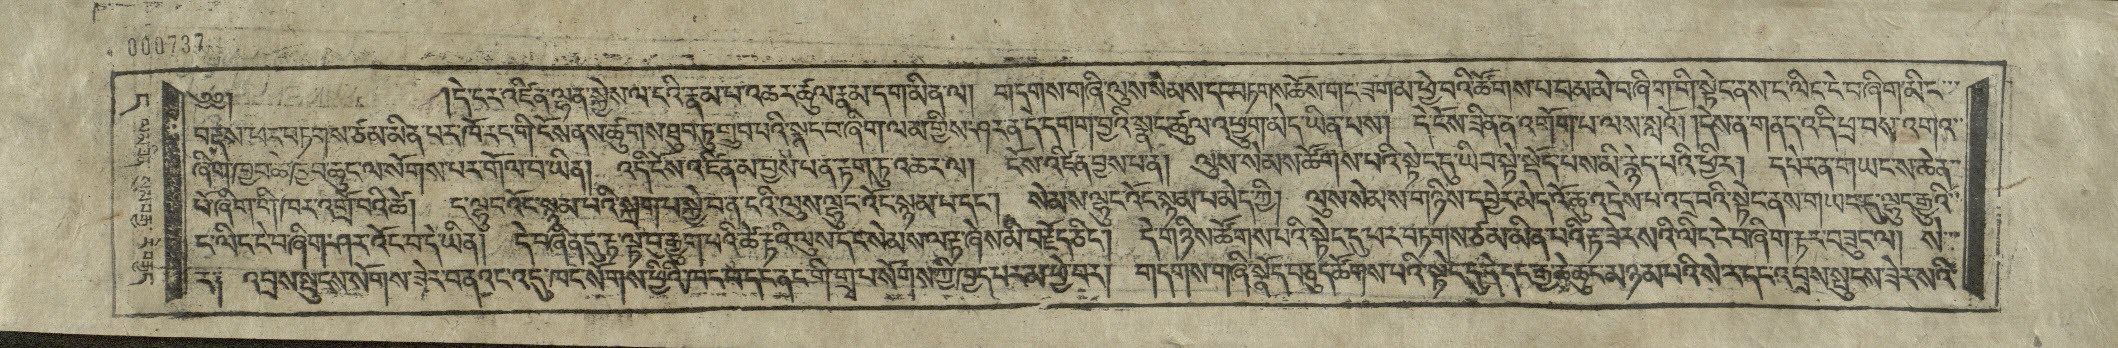༄༅། །དེ་ངར་འཛིན་ལྷན་སྐྱེས་ལ་ངའི་རྣམ་པ་འཆར་ཚུལ་རྣམ་དག་མིན་ལ། གདགས་གཞི་ལུས་སེམས་དང་བཏགས་ཆོས་གང་ཟག་མ་ཕྱེ་བའི་ཚོགས་པ་བམ་མེ་བཞིག་གི་སྟང་ནས་ང་ལིང་ངེ་བ་ཞིག་མིང་
བརྡས་ཕར་བཏགས་ཙམ་མིན་པར་ཁོ་རང་གི་ངོས་ནས་ཚུགས་ཐུབ་ཏུ་གྲུབ་པའི་སྣང་བ་ཞིག་ལམ་གྱིས་ཤར་ན་དེ་དགག་བྱའི་སྣང་ཚུལ་འཕྱུག་མེད་ཡིན་པས། དེ་ངོས་ཟིན་ན་འགོག་པ་ལས་སླའོ། །དེས་ན་གནད་འདི་ཕྲ་བས་འགའ་
ཞིག་ཁྱབ་ཆེ་ཁྱབ་ཆུང་ལ་སོགས་པར་གོལ་བ་ཡིན། འདི་ངོས་འཛིན་མ་བྱས་པ་ན་རྟག་ཏུ་འཆར་ལ། ངོས་འཛིན་བྱས་པ་ན། ལུས་སེམས་ཚོགས་པའི་སྟེང་དུ་ཡིབ་སྟེ་སྡོད་པས་མི་རྙེད་པའི་ཕྱིར། དཔེར་ན་གཡང་ས་ཆེན་
པོ་ཞིག་གི་ཁར་འགྲོ་བའི་ཚེ། ང་ལྷུང་འོང་སྙམ་པའི་སྐྲག་པ་སྐྱེ་བ་ན་ངའི་ལུས་ལྷུང་འོང་སྙམ་པ་དང་། སེམས་ལྷུང་འོང་སྙམ་པ་མེད་ཀྱི། ལུས་སེམས་གཉིས་དབྱེར་མེད་འོ་ཆུ་འདྲེས་པ་འདྲ་བའི་སྟེང་ནས་གཡང་དུ་ལྷུང་རྒྱུའི་
ང་ལིང་ངེ་བ་ཞིག་ཤར་འོང་བ་དེ་ཡིན། དེ་བཞིན་དུ་རྟ་ལྟ་བུ་རྒྱུག་པའི་ཚེ་རྟའི་ལུས་དང་སེམས་ལ་རྟ་ཞེས་མི་བརྗོད་ཅིང་། དེ་གཉིས་ཚོགས་པའི་སྟེང་དུ་ཕར་བཏགས་ཙམ་མིན་པའི་རྟ་ཟེར་སའི་ལིང་ངེ་བ་ཞིག་རྟར་བཟུང་ལ། སེ་
ར༑ འབྲས་སྤུངས་སོགས་ཟེར་བ་ནའང་འདུ་ཁང་སོགས་ཕྱིའི་ཁང་པ་དང་ནང་གི་གྲྭ་པ་སོགས་ཀྱི་ཁྱད་པར་མ་ཕྱེ་བར། གདགས་གཞི་སྣོད་བཅུད་ཚོགས་པའི་སྟེང་དུ་དེ་དང་རྒྱ་ཆེ་ཆུང་མཉམ་པའི་སེ་ར་དང་འབྲས་སྤུངས་ཟེར་སའི་